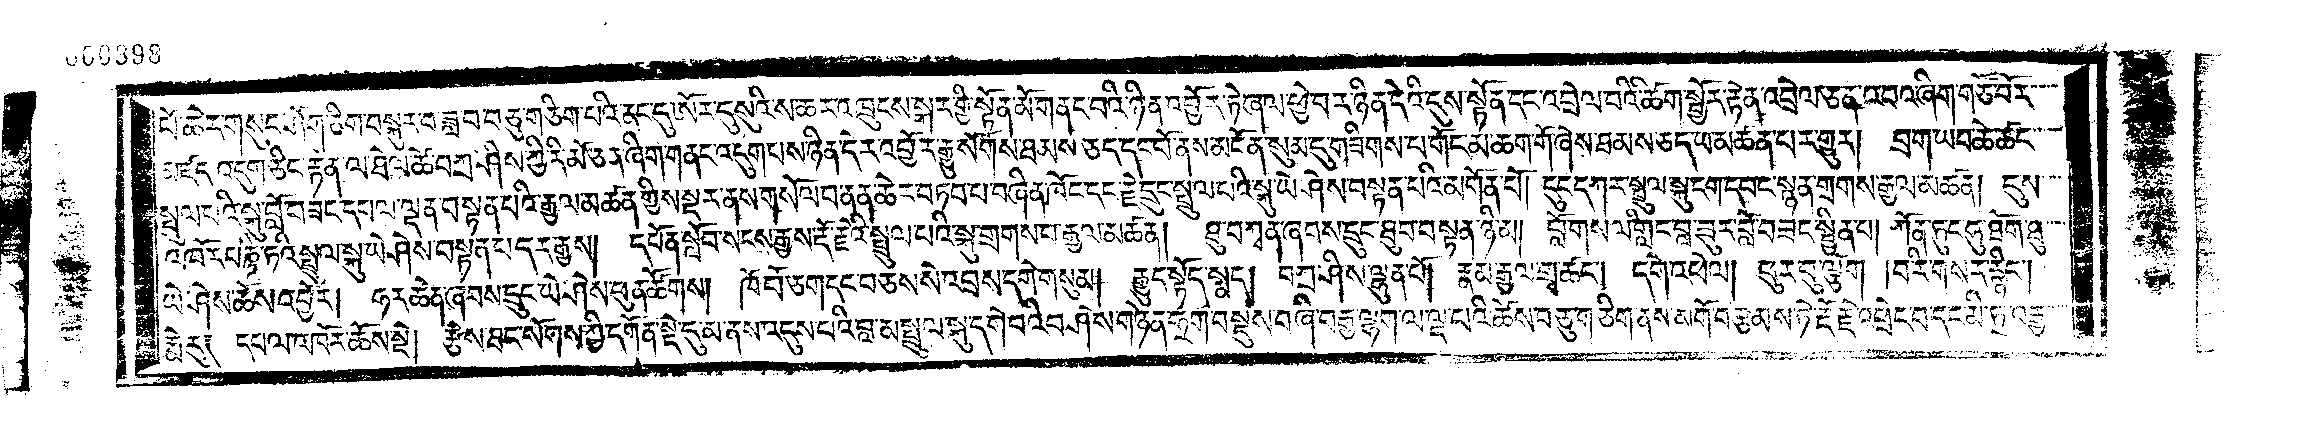པོ་ཆེར་གསུང་ཤོག་ཅིག་བསྐུར་བ་ཟླ་བ་བཅུ་གཅིག་པའི་ནང་དུ་ཨོར་དུ་སུའི་ས་ཆར་འཁྲུངས་སྐར་གྱི་སྟོན་མོ་གནང་བའི་ཉིན་འབྱོར་ཏེ་ཞལ་ཕྱེ་བར་ཉིན་དེའི་དུས་སྟོན་དང་འབྲེལ་པའི་ཚིག་སྦྱོར་རྟེན་འབྲེལ་ཅན་འབའ་ཞིག་གཙོ་བོར་
མཛད་འདུག་ཅིང་རྟེན་ལ་ཐེལ་ཚེ་བཀྲ་ཤིས་ཀྱི་རི་མོ་ཅན་ཞིག་གནང་འདུག་པས་ཉིན་དེར་འབྱོར་རྒྱུ་སོགས་ཐམས་ཅད་དང་པོ་ནས་མངོན་སུམ་དུ་གཟིགས་པ་གོར་མ་ཆག་གོ་ཞེས་ཐམས་ཅད་ཡ་མཚན་པར་གྱུར། བྲག་ཡབ་ཆེ་ཚང་
སྤྲུལ་པའི་སྐུ་བློ་བཟང་དཔལ་ལྡན་བསྟན་པའི་རྒྱལ་མཚན་གྱིས་སྔར་ནས་གསོལ་བ་ནན་ཆེར་བཏབ་པ་བཞིན་ཁོང་དང་རྗེ་དྲུང་སྤྲུལ་པའི་སྐུ་ཡེ་ཤེས་བསྟན་པའི་མགོན་པོ། དུང་དཀར་སྤྲུལ་སྐུ་ངག་དབང་སྙན་གྲགས་རྒྱལ་མཚན། དུས་
འཁོར་པཎྜི་ཏའི་སྤྲུལ་སྐུ་ཡེ་ཤེས་བསྟན་པ་དར་རྒྱས། དཔོན་སློབ་སངས་རྒྱས་རྡོ་རྗེའི་སྤྲུལ་པའི་སྐུ་གྲགས་པ་རྒྱལ་མཚན། ཐུ་བཀྭན་ཞབས་དྲུང་ཐུབ་བསྟན་ཉི་མ། བློ་གསལ་གླིང་བླ་ཟུར་བློ་བཟང་སྦྱིན་པ། ཀོན་ཏུང་ཧུ་ཐོག་ཐུ་
ཡེ་ཤེས་ཆོས་འབྱོར། ཧར་ཆེན་ཞབས་དྲུང་ཡེ་ཤེས་ཕུན་ཚོགས། ཁོ་བོ་ཅག་དང་བཅས་སེ་འབྲས་དགེ་གསུམ། རྒྱུད་སྟོད་སྨད། བཀྲ་ཤིས་ལྷུན་པོ། རྣམ་རྒྱལ་གྲྭ་ཚང་། དགེ་འཕེལ། ཕུར་བུ་ལྕོག །བ་རི་གསར་རྙིང་།
རྨེ་རུ༑ དཔལ་འཁོར་ཆོས་སྡེ། རྩེས་ཐང་སོགས་ཀྱི་དགོན་སྡེ་དུ་མ་ནས་འདུས་པའི་བླ་མ་སྤྲུལ་སྐུ་དགེ་བའི་བཤེས་གཉེན་ཧྲག་བསྡུས་བཞི་བརྒྱ་ལྷག་ལ་ལྔ་པའི་ཚེས་བཅུ་གཅིག་ནས་མགོ་བརྩམས་ཏེ་རྡོ་རྗེ་འཕྲེང་བ་དང་མི་ཏྲ་བརྒྱ་